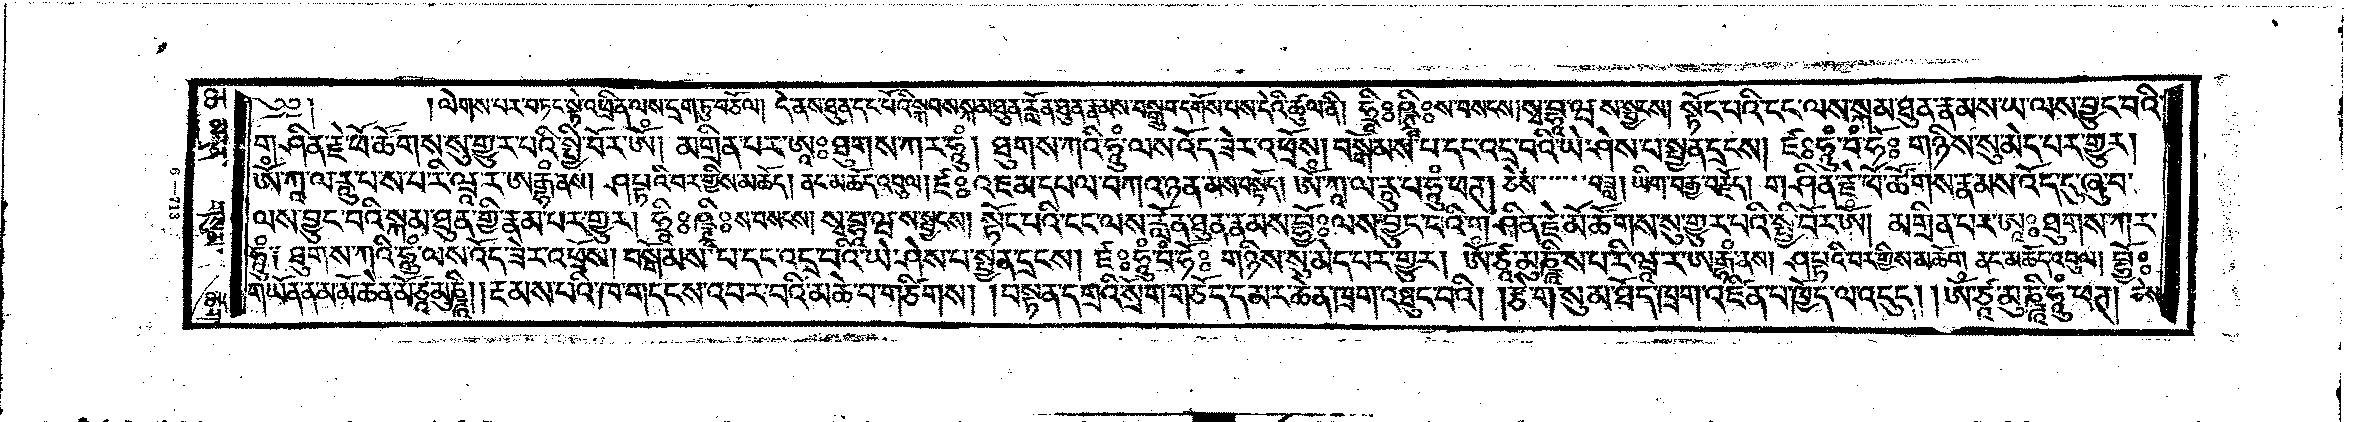༄༅། །ལེགས་པར་བཏང་སྟེ་འཕྲིན་ལས་དྲག་ཏུ་བཅོལ། དེ་ནས་ཐུན་དང་པོའི་སྐབས་སྐམ་ཐུན་རློན་ཐུན་རྣམས་བསྒྲུབ་དགོས་པས་དེའི་ཚུལ་ནི།  ཧྲཱིཿཥྚྲཱིཿ ས་བསངས། སྭ་བྷཱ་ཝས་སྦྱངས། སྟོང་པའི་ངང་ལས་སྐམ་ཐུན་རྣམས་ཡ་ལས་བྱུང་བའི་
གཤིན་རྗེ་ཕོ་ཚོགས་སུ་གྱུར་པའི་སྤྱི་བོར་ཨོཾ། མགྲིན་པར་ཨཱཿཐུགས་ཀར་ཧཱུཾ། ཐུགས་ཀའི་ཧཱུཾ་ལས་འོད་ཟེར་འཕྲོས། བསྒོམས་པ་དང་འདྲ་བའི་ཡེ་ཤེས་པ་སྤྱན་དྲངས། ཛཿཧཱུཾ་བཾ་ཧོཿགཉིས་སུ་མེད་པར་གྱུར།
ཨོཾ་ཀཱ་ལ་རཱུ་པ་ས་པ་རི་ཝཱ་ར་ཨརྒྷཾ་ནས། ཤཔྟའི་བར་གྱིས་མཆོད། ནང་མཆོད་འབུལ།  ཛཿ འཇམ་དཔལ་བཀའ་ཉན་མས་བསྟོད།  ཨོཾ་ཀཱ་ལ་རཱུ་པ་ཧཱུཾ་ཕཊ། ཅེས་བཟླ། ཡིག་བརྒྱ་བརྗོད།  གཤིན་རྗེ་ཕོ་ཚོགས་རྣམས་འོད་དུ་ཞུ་བ་
ལས་བྱུང་བའི་སྐམ་ཐུན་གྱི་རྣམ་པར་གྱུར། ཧྲཱིཿཥྚྲཱིཿས་བསངས།  སྭ་བྷཱ་ཝས་སྦྱངས། སྟོང་པའི་ངང་ལས་རློན་ཐུན་རྣམས་བྷྱོཿལས་བྱུང་བའི་གཤིན་རྗེ་མོ་ཚོགས་སུ་གྱུར་པའི་སྤྱི་བོར་ཨོཾ། མགྲིན་པར་ཨཱཿཐུགས་ཀར་
ཧཱུཾ༑ ཐུགས་ཀའི་ཧཱུཾ་ལས་འོད་ཟེར་འཕྲོས། བསྒོམས་པ་དང་འདྲ་བའི་ཡེ་ཤེས་པ་སྤྱན་དྲངས། ཛཿཧཱུཾ་བཾ་ཧོཿགཉིས་སུ་མེད་པར་གྱུར། ཨོཾ་ཙཱ་མུཎྜཱི་ས་པ་རི་ཝཱ་ར་ཨརྒྷཾ་ནས། ཤཔྟའི་བར་གྱིས་མཆོག་ནང་མཆོད་འབུལ།  བྷྱོཿ
གཡོན་ནམ་མོ་ཆེན་མོ་ཙཱ་མུཎྜཱི། །རྔམས་པའི་ཁ་གདངས་འབར་བའི་མཆེ་བ་གཙིགས། །བསྟན་དགྲའི་སྲོག་གཅོད་དམར་ཆེན་ཁྲག་འཐུང་བའི། །རྩེ་གསུམ་ཐོད་ཁྲག་འཛིན་པ་ཁྱོད་ལ་འདུང་། །ཨོཾ་ཙཱ་མུཎྜཱི་ཧཱུཾ་ཕཊ། ཅེས